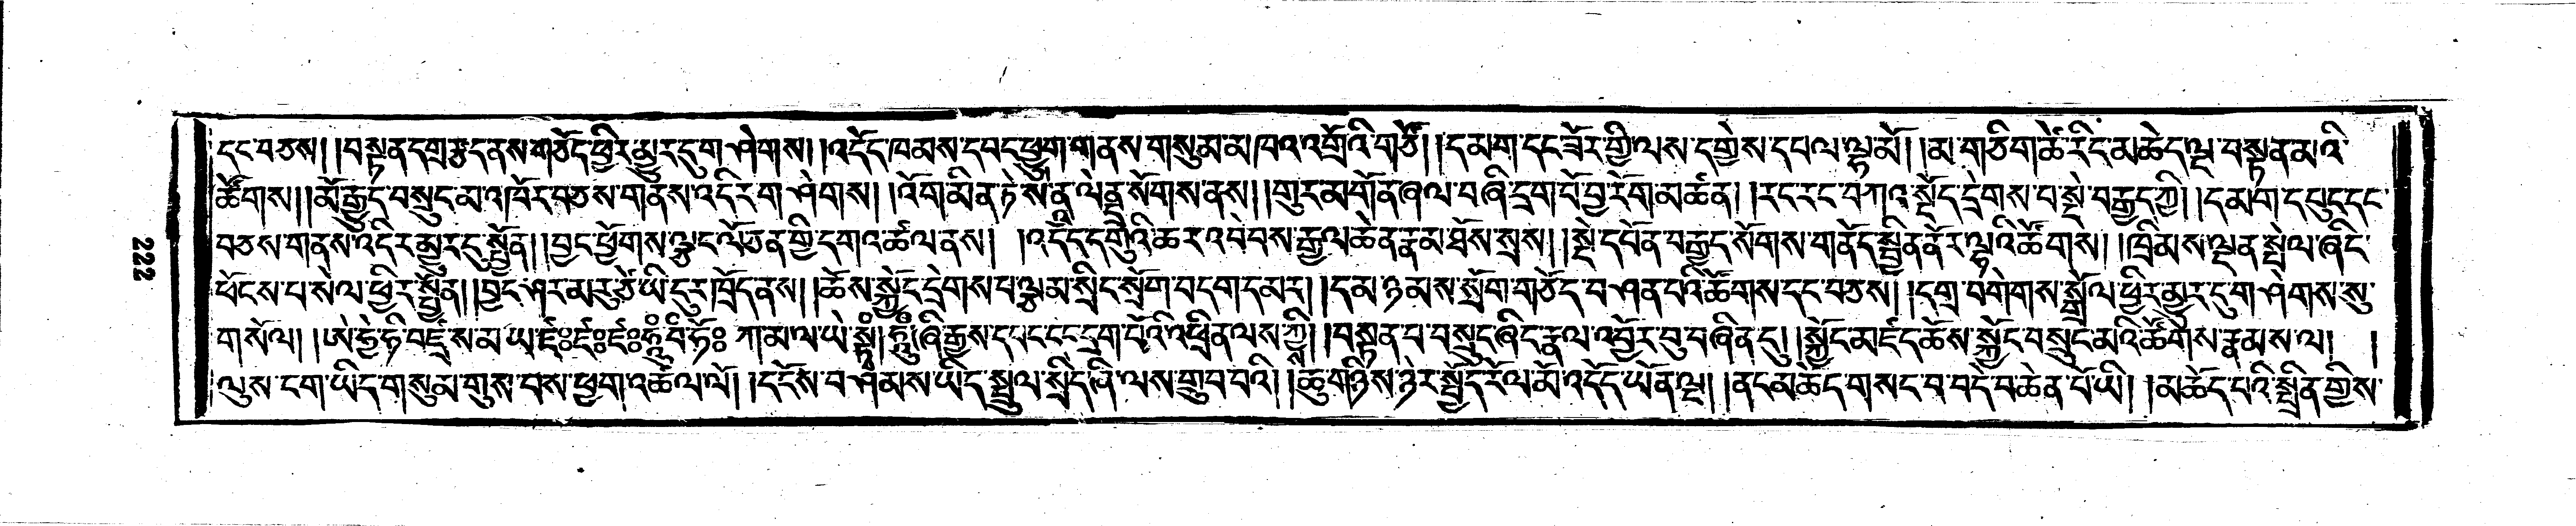དང་བཅས། །བསྟན་དགྲ་རྩད་ནས་གཅོད་ཕྱིར་མྱུར་དུ་གཤེགས། །འདོད་ཁམས་དབང་ཕྱུག་གནས་གསུམ་མཁའ་འགྲོའི་གཙོ། །དམག་དང་ཟོར་གྱི་ལས་དགྱེས་དཔལ་ལྷ་མོ། །མ་གཅིག་ཚེ་རིང་མཆེད་ལྔ་བསྟན་མའི་
ཚོགས། །མོ་རྒྱུད་བསྲུང་མ་འཁོར་བཅས་གནས་འདིར་གཤེགས། །འོག་མིན་ཏེ་སེ་ནཱ་ལེནྡྲ་སོགས་ནས། །གུར་མགོན་ཞལ་བཞི་དྲག་པོ་བྱ་རོག་མཚན། །རང་རང་བཀའ་སྡོད་དྲེགས་པ་སྡེ་བརྒྱད་ཀྱི། །དམག་དཔུང་དང་
བཅས་གནས་འདིར་མྱུར་དུ་སྤྱོན། །བྱང་ཕྱོགས་ལྕང་ལོ་ཅན་གྱི་དགའ་ཚལ་ནས། །འདོད་དགུའི་ཆར་འབེབས་རྒྱལ་ཆེན་རྣམ་ཐོས་སྲས། །སྡེ་དཔོན་བརྒྱད་སོགས་གནོད་སྦྱིན་ནོར་ལྷའི་ཚོགས། །ཁྲིམས་ལྡན་སྤེལ་ཞིང་
ཕོངས་པ་སེལ་ཕྱིར་སྤྱོན། །བྱང་ཤར་མ་རུ་ཙེ་ཡི་དུར་ཁྲོད་ནས། །ཆོས་སྐྱོང་དྲེགས་པ་ལྕམ་སྲིང་སྲོག་བདག་དམར། །དམ་ཉམས་སྲོག་གཅོད་བཤན་པའི་ཚོགས་དང་བཅས། །དགྲ་བགེགས་སྒྲོལ་ཕྱིར་མྱུར་དུ་གཤེགས་སུ་
གསོལ། །ཨེ་ཧྱེ་ཧི་བཛྲ་ས་མ་ཡ་ཛཿ ཛཿ ཛཿ ཧཱུཾ་བཾ་ཧོཿ ཀ་མ་ལ་ཡེ་སྟྭཾ། ཧཱུཾ། ཞི་རྒྱས་དབང་དང་དྲག་པོའི་འཕྲིན་ལས་ཀྱི། །བསྟན་པ་བསྲུང་ཞིང་རྣལ་འབྱོར་བུ་བཞིན་དུ། །སྐྱོང་མཛད་ཆོས་སྐྱོང་བསྲུང་མའི་ཚོགས་རྣམས་ལ། །
ལུས་ངག་ཡིད་གསུམ་གུས་པས་ཕྱག་འཚལ་ལོ། །དངོས་བཤམས་ཡིད་སྤྲུལ་སྲིད་ཞི་ལས་གྲུབ་པའི། །ཆུ་གཉིས་ཉེར་སྤྱོད་རོལ་མོ་འདོད་ཡོན་ལྔ། །ནང་མཆོད་གསང་བ་བདེ་བ་ཆེན་པོ་ཡི། །མཆོད་པའི་སྤྲིན་གྱིས་